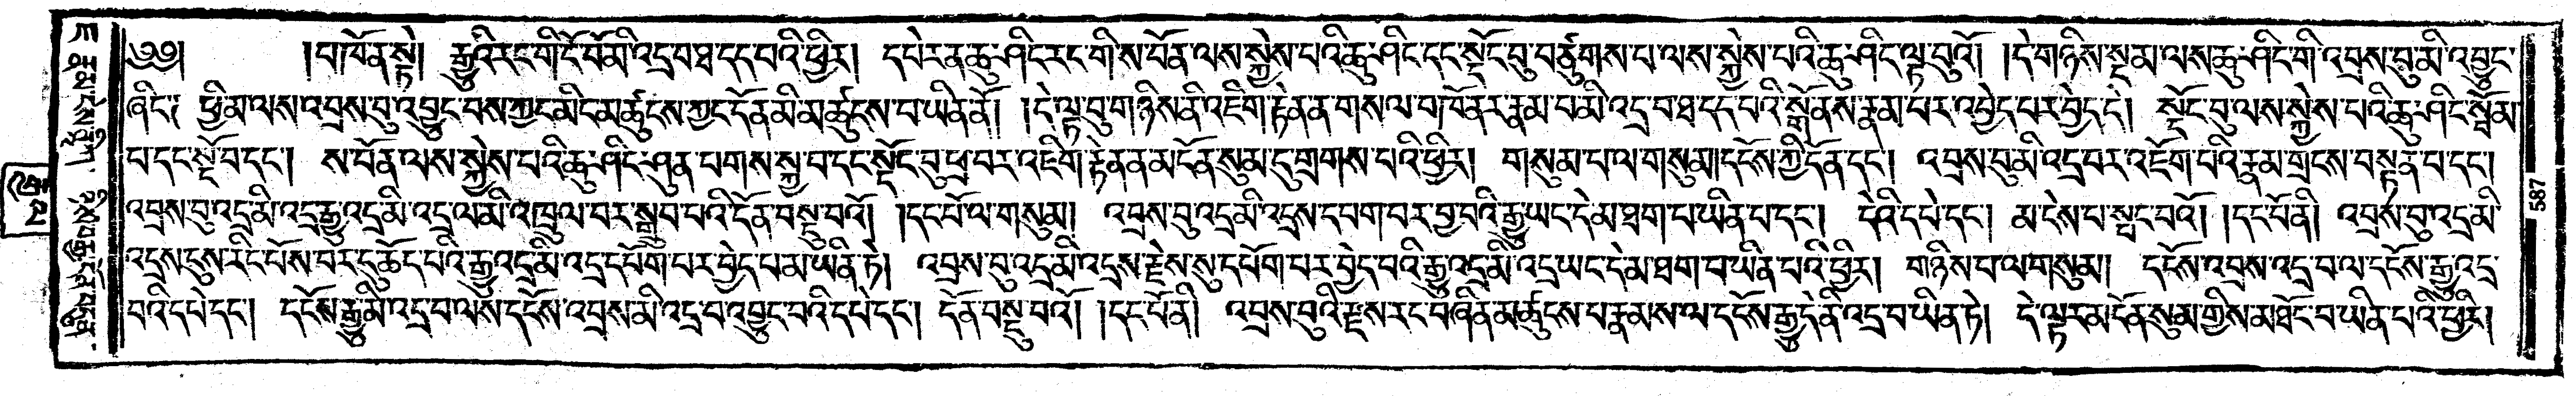༄༅། །པ་ཁོ་ན་སྟེ། རྒྱུའི་རང་གི་ངོ་བོ་མི་འདྲ་བ་ཐ་དད་པའི་ཕྱིར། དཔེར་ན་ཆུ་ཤིང་རང་གི་ས་བོན་ལས་སྐྱེས་པའི་ཆུ་ཤིང་དང་སྡོང་བུ་བཙུགས་པ་ལས་སྐྱེས་པའི་ཆུ་ཤིང་ལྟ་བུའོ། །དེ་གཉིས་སྔ་མ་ལས་ཆུ་ཤིང་གི་འབྲས་བུ་མི་འབྱུང་
ཞིང་། ཕྱི་མ་ལས་འབྲས་བུ་འབྱུང་བས་ཀྱང་མིང་མཚུངས་ཀྱང་དོན་མི་མཚུངས་པ་ཡིན་ནོ། །དེ་ལྟ་བུ་གཉིས་ནི་འཇིག་རྟེན་ན་གསལ་བ་ཁོ་ནར་རྣམ་པ་མི་འདྲ་བ་ཐ་དད་པའི་སྒོ་ནས་རྣམ་པར་འབྱེད་པར་བྱེད་དེ། སྡོང་བུ་ལས་སྐྱེས་པའི་ཆུ་ཤིང་སྦོམ་
པ་དང་སྔོ་བ་དང་། ས་བོན་ལས་སྐྱེས་པའི་ཆུ་ཤིང་ཤུན་པགས་སྐྱ་བ་དང་སྡོང་བུ་ཕྲ་བར་འཇིག་རྟེན་ན་མངོན་སུམ་དུ་གྲགས་པའི་ཕྱིར། གསུམ་པ་ལ་གསུམ། དངོས་ཀྱི་དོན་དང་། འབྲས་བུ་མི་འདྲ་བར་འཇོག་པའི་རྣམ་གྲངས་བསྟན་པ་དང་།
འབྲས་བུ་འདྲ་མི་འདྲ་རྒྱུ་འདྲ་མི་འདྲ་ལ་མི་འཁྲུལ་བར་སྒྲུབ་པའི་དོན་བསྡུ་བའོ། །དང་པོ་ལ་གསུམ། འབྲས་བུ་འདྲ་མི་འདྲས་དཔག་པར་བྱ་བའི་རྒྱུ་ཡང་དེ་མ་ཐག་པ་ཡིན་པ་དང་། དེའི་དཔེ་དང་། མ་ངེས་པ་སྤང་བའོ། །དང་པོ་ནི། འབྲས་བུ་འདྲ་མི་
འདྲས་དུས་རིང་པོས་བར་དུ་ཆོད་པའི་རྒྱུ་འདྲ་མི་འདྲ་དཔོག་པར་བྱེད་པ་མ་ཡིན་ཏེ། འབྲས་བུ་འདྲ་མི་འདྲས་རྗེས་སུ་དཔོག་པར་བྱེད་པའི་རྒྱུ་འདྲ་མི་འདྲ་ཡང་དེ་མ་ཐག་པ་ཡིན་པའི་ཕྱིར། གཉིས་པ་ལ་གསུམ། དངོས་འབྲས་འདྲ་བ་ལ་དངོས་རྒྱུ་འདྲ་
བའི་དཔེ་དང་། དངོས་རྒྱུ་མི་འདྲ་བ་ལས་དངོས་འབྲས་མི་འདྲ་བ་འབྱུང་བའི་དཔེ་དང་། དོན་བསྡུ་བའོ། །དང་པོ་ནི། འབྲས་བུའི་རྫས་རང་བཞིན་མཚུངས་པ་རྣམས་ལ་དངོས་རྒྱུ་དེ་ནི་འདྲ་བ་ཡིན་ཏེ། དེ་ལྟར་མངོན་སུམ་གྱིས་མཐོང་བ་ཡིན་པའི་ཕྱིར།